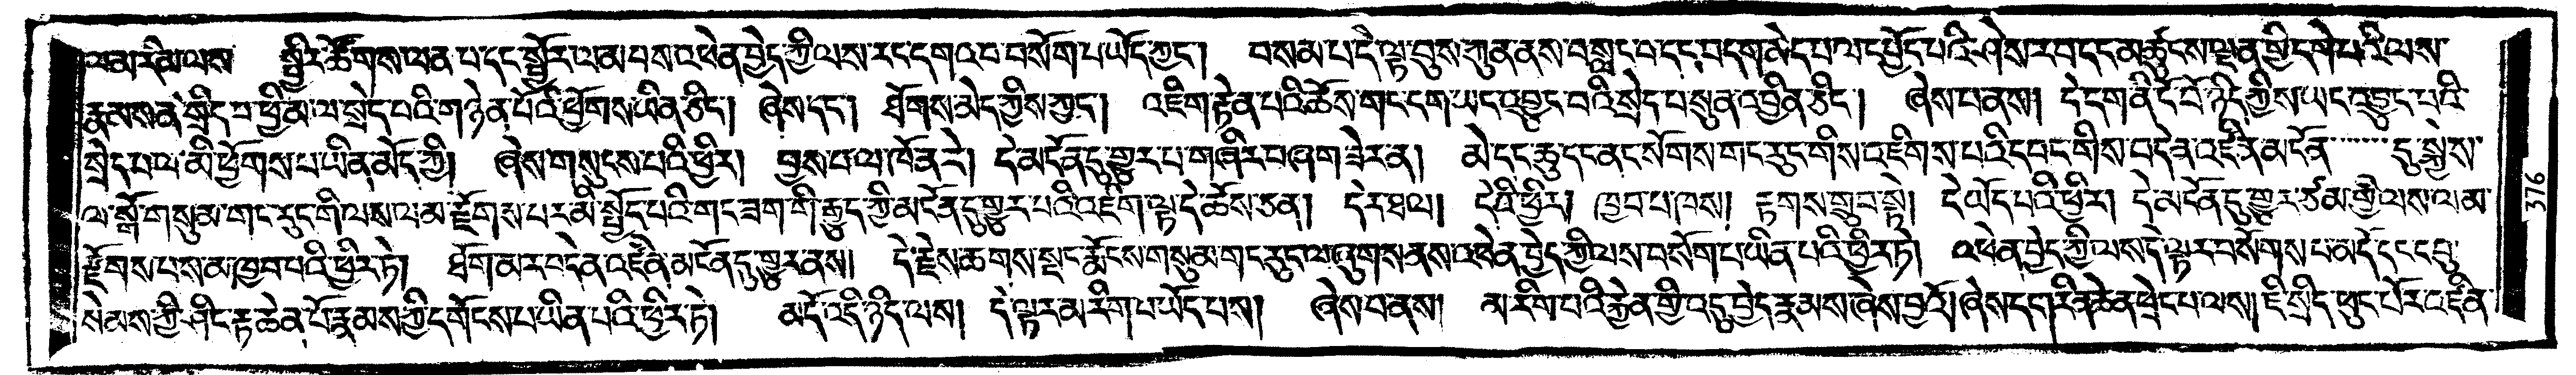ལམ་རིམ་ལས་སྤྱིར་ཚོགས་ལན་པ་དང་སྦྱོར་ལམ་བས་འཕེན་བྱེད་ཀྱི་ལས་རང་དགའ་བ་བསོག་པ་ཡོད་ཀྱང་། བསམ་པ་དེ་ལྟ་བུས་ཀུན་ནས་བསླང་བ་དང་བདག་མེད་པ་ལ་དཔྱོད་པའི་ཤེས་རབ་དང་མཚུངས་ལྡན་གྱི་དགེ་པའི་ལས་
རྣམས་ནི་སྲིད་པ་ཕྱི་མ་ལ་སྲེད་པའི་གཉེན་པོའི་ཕྱོགས་ཡིན་ཅིང་། ཞེས་དང་། ཐོགས་མེད་ཀྱིས་ཀྱང་། འཇིག་རྟེན་པའི་ཆོས་གང་དག་ཡང་འབྱུང་བའི་སྲེད་པ་སུན་འབྱིན་ཅིང་། ཞེས་པ་ནས། དེ་དག་ནི་ངོ་བོ་ཉིད་ཀྱིས་ཡང་འབྱུང་པའི་
སྲེད་པ་ལ་མི་ཕྱོགས་པ་ཡིན་མོད་ཀྱི། ཞེས་གསུངས་པའི་ཕྱིར། བྱས་པ་ལ་ཁོ་ན་རེ། དེ་མངོན་དུ་གྱུར་པ་གཞིར་བཞག་ཟེར་ན། མེ་དང་ཆུ་དང་ནང་སོགས་གང་རུང་གིས་འཇིགས་པའི་དབང་གིས་བདེན་འཛིན་མངོན་དུ་སྐྱེས་
ལ་སྒོ་གསུམ་གང་རུང་གི་ལས་ལམ་རྫོགས་པར་མི་སྤྱོད་པའི་གང་ཟག་གི་རྒྱུད་ཀྱི་མངོན་དུ་གྱུར་པའི་འཇིག་ལྟ་དེ་ཆོས་ཅན། དེར་ཐལ། དེའི་ཕྱིར། ཁྱབ་པ་ཁས། རྟགས་གྲུབ་སྟེ། དེ་ཡོད་པའི་ཕྱིར། དེ་མངོན་དུ་གྱུར་ཙམ་གྱི་ལས་ལམ་
རྫོགས་པས་མ་ཁྱབ་པའི་ཕྱིར་ཏེ། ཐོག་མར་བདེན་འཛིན་མངོན་དུ་གྱུར་ནས། དེ་རྗེས་ཆགས་སྡང་རྨོངས་གསུམ་གང་རུང་ལ་ཞུགས་ནས་འཕེན་བྱེད་ཀྱི་ལས་བསོག་པ་ཡིན་པའི་ཕྱིར་ཏེ། འཕེན་བྱེད་ཀྱི་ལས་དེ་ལྟར་བ་སོགས་པ་མདོ་དང་དབུ་
སེམས་ཀྱི་ཤིང་རྟ་ཆེན་པོ་རྣམས་ཀྱི་དགོངས་པ་ཡིན་པའི་ཕྱིར་ཏེ། མདོ་འདི་ཉིད་ལས། དེ་ལྟར་མ་རིག་པ་ཡོད་པས། ཞེས་པ་ནས། མ་རིག་པའི་རྐྱེན་གྱི་འདུ་བྱེད་རྣམས་ཞེས་བྱའོ། ཞེས་དང་། རིན་ཆེན་ཕྲེང་པ་ལས། ཇི་སྲིད་ཕུང་པོར་འཛིན་